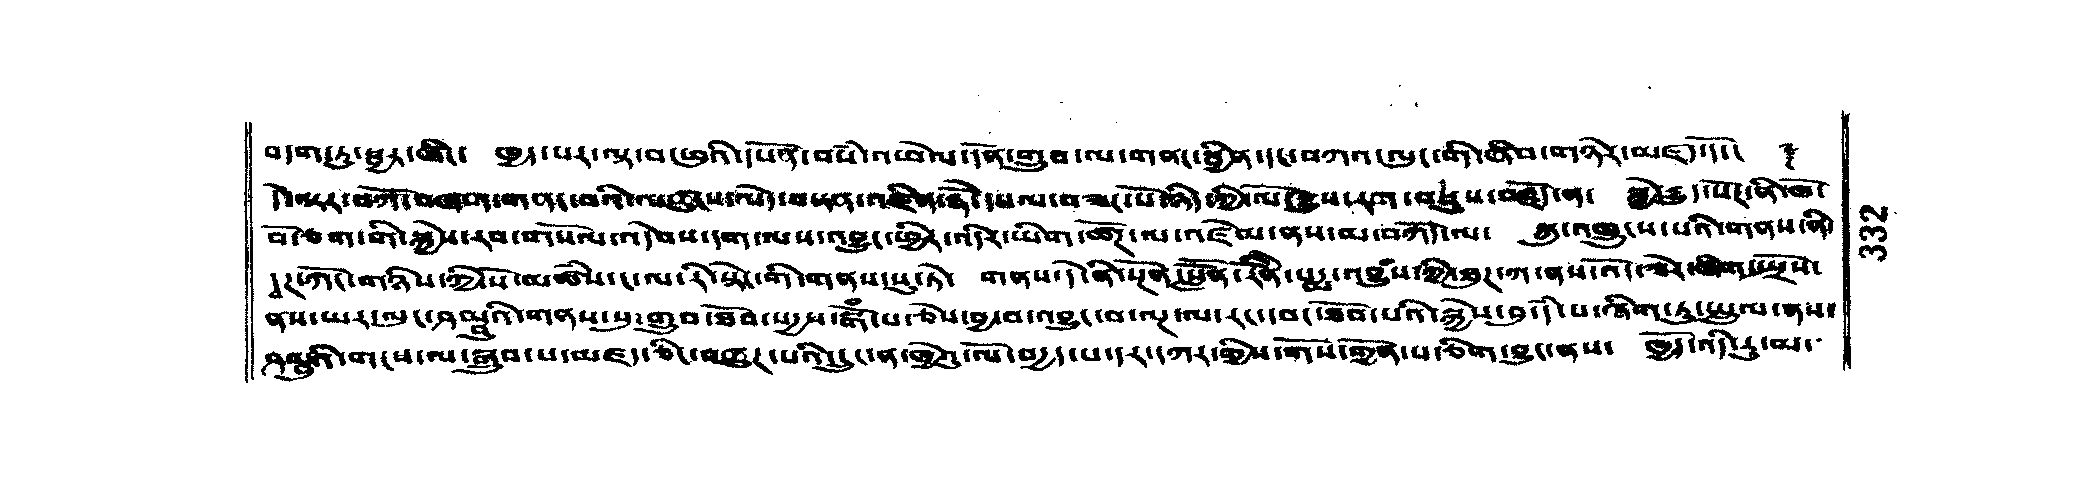བདག་ཏུ་སྦྱར་ཞིང་། ཁྱད་པར་ལྷ་བ་ཕུའི་དཔོན་བསམ་འཕེལ་དོན་གྲུབ་ལ་གནང་སྦྱིན་དང་བཀའ་ལུང་གི་ཞིབ་གཉེར་མཛད་དོ།༈ 
དེ་ལྟར་བསྐཽ་བཞག་གནང་བའི་མཚུངས་མེད་བསྟན་འཛིན་རྡོ་རྗེ་དཔལ་བཟང་པོ་ཉིད་ཀྱི་ལོ་རྒྱུས་རགས་བསྡུས་བརྗོད་ན། སྐྱེ་རྒྱུད་སོགས་ནི་ཁོ་
བོ་ཅག་གི་སྐྱེས་རབས་གསོལ་འདེབས་དག་ལས་འབྱུང་ཕྱིར་འདིར་ཡིག་ཚོགས་ལ་འཛེམ་ནས་མ་བཀོད་ལ། སྐུ་འཁྲུངས་པའི་གནས་ནི་
དྭགས་ཀོང་གཉིས་ཀྱི་སོ་མཚམས་ང་ལ་རི་སྟེང་གི་གནས་སུ་ཏེ། གནས་དེ་ནི་སྔོན་སློབ་དཔོན་རིན་པོ་ཆེ་པདྨ་འབྱུང་གནས་ཀྱི་ཐུགས་ཀ་ནས་འོད་ཟེར་ཞིག་སྤྲོས་
ནས་ཡར་ལུང་ཤམ་པོའི་གནས་སུ་གྲུབ་ཐོབ་སངས་རྒྱས་སྒོམ་པ་ཞེས་བྱ་བ་འབྱུང་བ་ལྔ་ལ་རང་དབང་ཐོབ་པའི་སྐྱེས་བུ་དམ་པ་ཞིག་ཏུ་སྤྲུལ་ནས་
ཤམ་པོའི་གངས་ལ་སྒྲུབ་པ་མཛད་ཅིང་བཞུགས་པའི་དྲུང་ན་ཁྱེའུ་ལོ་བརྒྱད་པ་དར་དཀར་གྱིས་གོས་གྱོན་པ་གཅིག་བྱུང་ནས། ཁྱོད་འདི་རུ་མ་